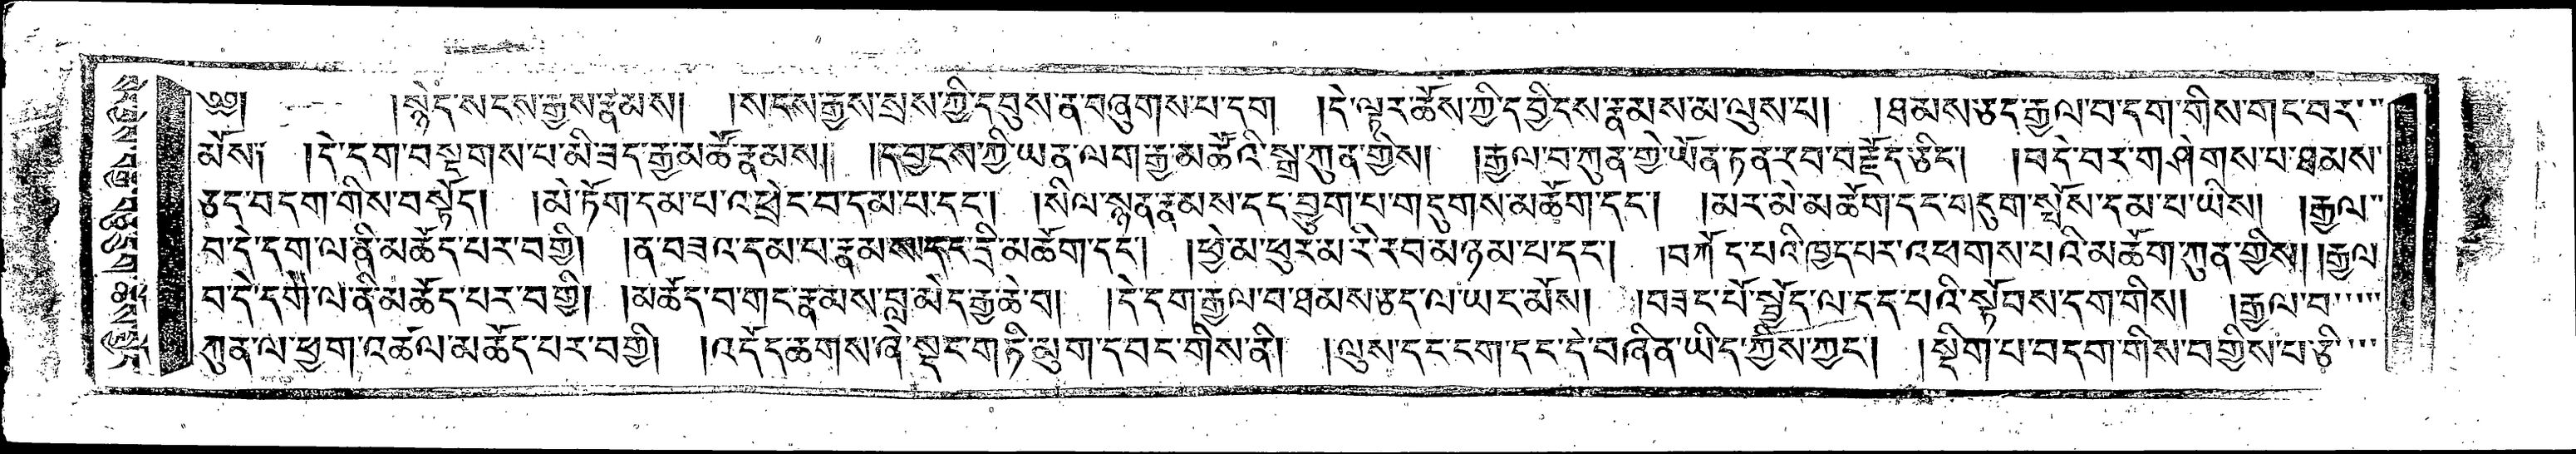༄༅། །སྙེད་སངས་རྒྱས་རྣམས། །སངས་རྒྱས་སྲས་ཀྱི་དབུས་ན་བཞུགས་པ་དག །དེ་ལྟར་ཆོས་ཀྱི་དབྱིངས་རྣམས་མ་ལུས་པ། །ཐམས་ཅད་རྒྱལ་བ་དག་གིས་གང་བར་
མོས༑ །དེ་དག་བསྔགས་པ་མི་ཟད་རྒྱ་མཚོ་རྣམས། །དབྱངས་ཀྱི་ཡན་ལག་རྒྱ་མཚོའི་སྒྲ་ཀུན་གྱིས། །རྒྱལ་བ་ཀུན་གྱི་ཡོན་ཏན་རབ་བརྗོད་ཅིང་། །བདེ་བར་གཤེགས་པ་ཐམས་
ཅད་བདག་གིས་བསྟོད། །མེ་ཏོག་དམ་པ་འཕྲེང་བ་དམ་པ་དང་། །སིལ་སྙན་རྣམས་དང་བྱུག་པ་གདུགས་མཆོག་དང་། །མར་མེ་མཆོག་དང་གདུག་སྤོས་དམ་པ་ཡིས། །རྒྱལ་
བ་དེ་དག་ལ་ནི་མཆོད་པར་བགྱི། །ན་བཟའ་དམ་པ་རྣམས་དང་དྲི་མཆོག་དང་། །ཕྱེ་མ་ཕུར་མ་རི་རབ་མཉམ་པ་དང་། །བཀོད་པའི་ཁྱད་པར་འཕགས་པའི་མཆོག་ཀུན་གྱིས། །རྒྱལ་
བ་དེ་དག་ལ་ནི་མཆོད་པར་བགྱི། །མཆོད་པ་གང་རྣམས་བླ་མེད་རྒྱ་ཆེ་བ། །དེ་དག་རྒྱལ་བ་ཐམས་ཅད་ལ་ཡང་མོས། །བཟང་པོ་སྤྱོད་ལ་དད་པའི་སྟོབས་དག་གིས། །རྒྱལ་བ་
ཀུན་ལ་ཕྱག་འཚལ་མཆོད་པར་བགྱི། །འདོད་ཆགས་ཞེ་སྡང་གཏི་མུག་དབང་གིས་ནི། །ལུས་དང་ངག་དང་དེ་བཞིན་ཡིད་ཀྱིས་ཀྱང་། །སྡིག་པ་བདག་གིས་བགྱིས་པ་ཅི་